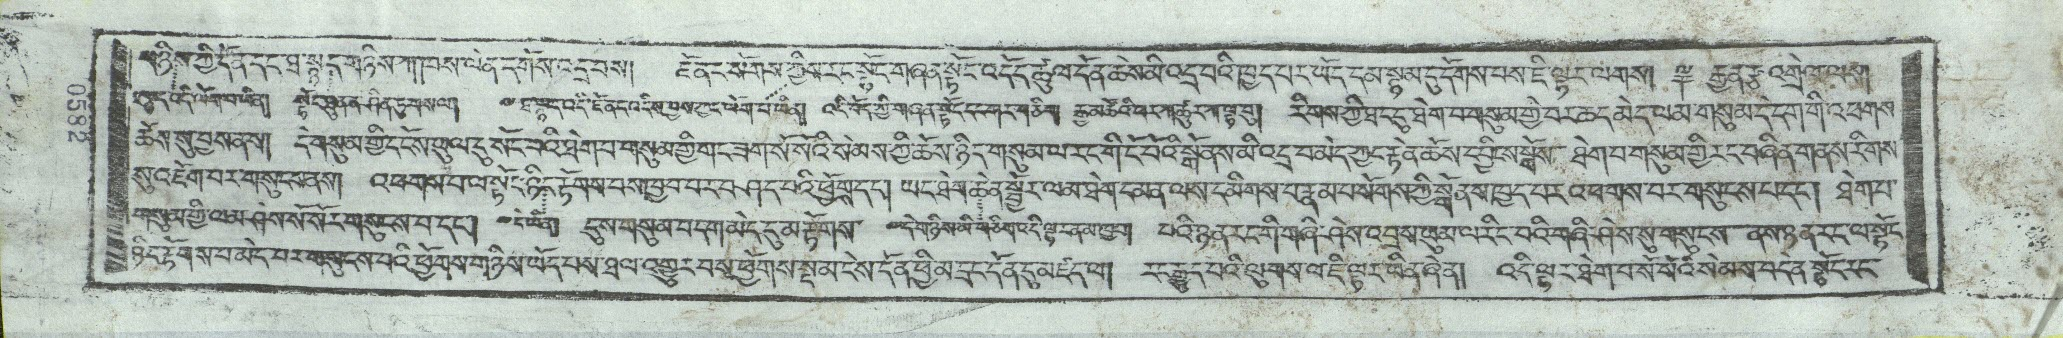གཉིས་ཀྱི་དོན་དང་ཐ་སྙད་གཉིས་ཀ་ཁས་ལེན་དགོས་འདྲ་བས། ཇོ་ནང་སོགས་ཀྱིས་རང་སྟོང་གཞན་སྟོང་འདོད་ཚུལ་དོན་ཆེས་མི་འདྲ་བའི་ཁྱད་པར་ཡོད་དམ་སྙམ་དུ་དོགས་པས་ཇི་ལྟར་ལགས། ༈ རྒྱན་རྩ་འགྲེལ་ལས།
ཐ་སྙད་འདི་ལོག་པ་ཡིན། སྟོང་ཐུན་ན་ཤིན་ཏུ་གསལ། ༧ཐ་སྙད་འདི་ཇོ་ནང་འདིས་བྱས་ཀྱང་ལོག་པ་ཡིན། འདི་མོད་ཀྱི་གཞན་སྟོང་དང་གར་གཅིག། རྒྱ་མཚོའི་ཕར་ཀ་ཚུར་ཀ་ལྟ་བུ།  རིགས་ཀྱི་ཐད་དུ་ཐེག་པ་གསུམ་གྱི་བར་ཆད་མེད་ལམ་གསུམ་དེ་དག་གི་འཕགས་
ཆོས་སུ་བྱས་ནས། དེ་གསུམ་གྱི་དངོས་ཡུལ་དུ་སོང་བའི་ཐེག་པ་གསུམ་གྱི་གང་ཟག་སོ་སོའི་སེམས་ཀྱི་ཆོས་ཉིད་གསུམ་ལ་རང་གི་ངོ་བོའི་སྒོ་ནས་མི་འདྲ་བ་མེད་ཀྱང་རྟེན་ཆོས་དབྱིངས་སྒོས་ཐེག་པ་གསུམ་གྱི་རང་བཞིན་གནས་རིགས་
སུ་འཇོག་པར་གསུངས་ནས། འཕགས་པ་ལ་སྟོང་ཉིད་རྟོགས་པས་ཁྱབ་པར་བཤད་པའི་ཕྱོགས་དང་། ཡང་ཐེག་ཆེན་སྦྱོར་ལམ་ཐེག་དམན་ལས་དམིགས་པ་རྣམ་པ་སོགས་ཀྱི་སྒོ་ནས་ཁྱད་པར་འཕགས་པར་གསུངས་པ་དང་། ཐེག་པ་
གསུམ་གྱི་ལམ་ཤེས་སོ་སོར་གསུངས་བ་དང་། ༧དེ་ཡིན།  དུས་གསུམ་བདག་མེད་དུ་མ་རྟོགས་༧དེ་གཉིས་མི་གཅིག་འདི་ལྟར་ནམ་ཁྱབ།  པའི་ཉན་རང་གི་གཞི་ཤེས་འབྲས་ཡུམ་ལ་རིང་བའི་གཞི་ཤེས་སུ་གསུངས་ནས་ཉན་རང་ལ་སྟོང་
ཉིད་རྟོགས་པ་མེད་བར་གསུངས་པའི་ཕྱོགས་གཉིས་ཡོད་པས་ཐལ་འགྱུར་བས་ཕྱོགས་སྔ་མ་ངེས་དོན་ཕྱི་མ་དྲང་དོན་དུ་མཛད་ལ། རང་རྒྱུད་པའི་ལུགས་ལ་ཇི་ལྟར་ཡིན་ཞེ་ན། འདི་ལྟར་ཐེག་པ་སོ་སོའི་སེམས་བདེན་སྟོང་རང་